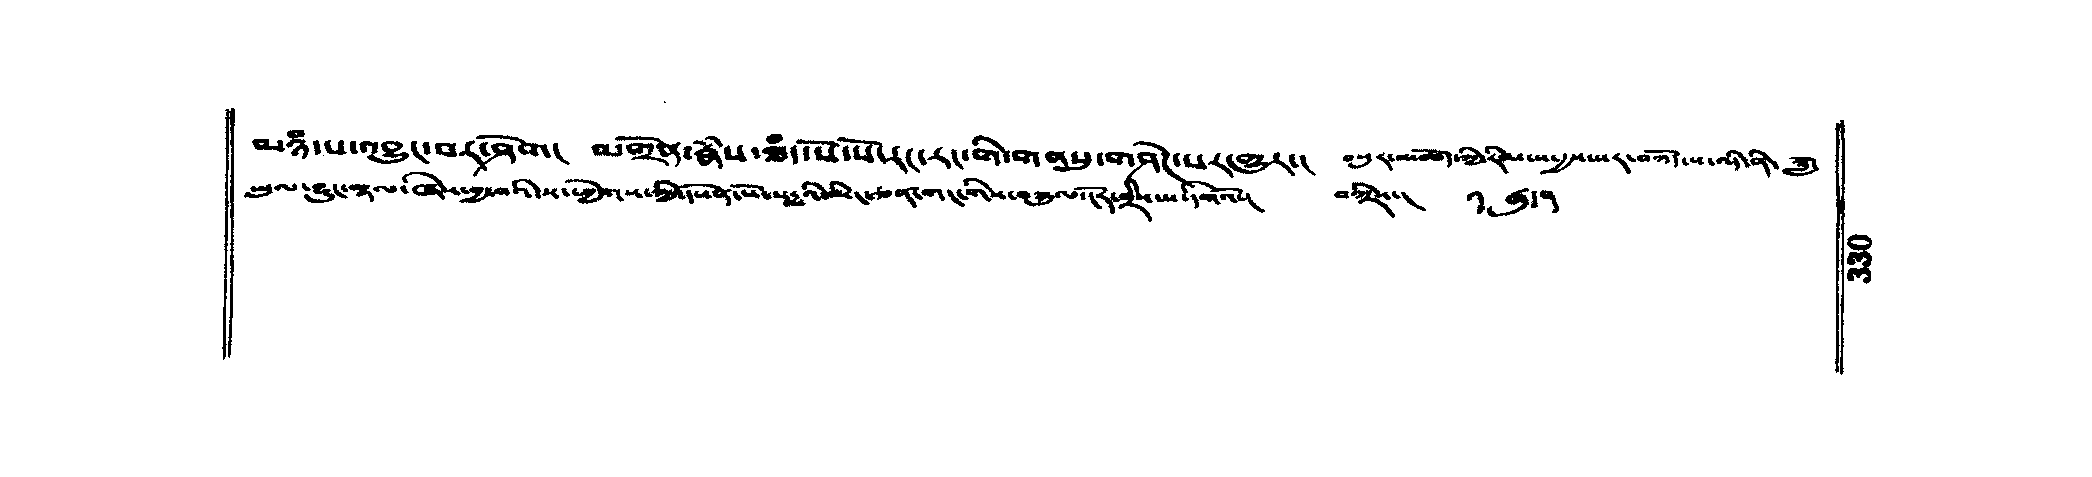མཉམ་པ་འབྱུང་བར་ཤོག་མགྲོན་རྣམས་སོ་སོ་རང་རང་གི་གནས་སུ་གཤེགས་པར་གྱུར། བསུར་མཆོད་ཀྱི་རིམ་པ་རྒྱས་པར་བཀོད་པ་འདི་ནི། ཀློ་
ཡུལ་བྷུང་བྷལ་ཞེས་བྱ་བའི་ས་ཕྱོགས་ཀྱི་དཔོན་པོ་པདྨའི་མིང་ཅན་གང་གིས་བསྐུལ་ངོར་བྲིས་པ་དགེའོ། བཀྲ་ཤིས།